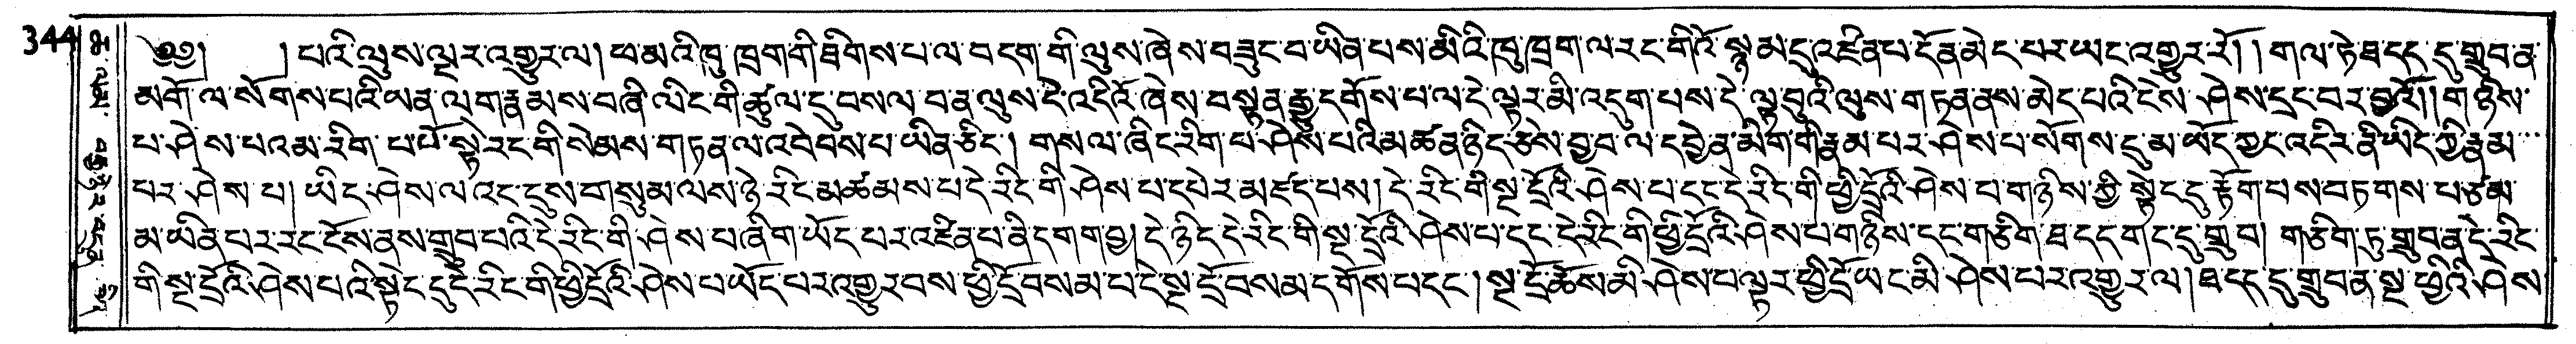༄༅། །པའི་ལུས་ལྔར་འགྱུར་ལ། ཕ་མའི་ཁུ་ཁྲག་གི་ཐིགས་པ་ལ་བདག་གི་ལུས་ཞེས་བཟུང་བ་ཡིན་པས་མིའི་ཁུ་ཁྲག་ལ་རང་གིའོ་སྙམ་དུ་འཛིན་པ་དོན་མེད་པར་ཡང་འགྱུར་རོ། །གལ་ཏེ་ཐ་དད་དུ་གྲུབ་ན་
མགོ་ལ་སོགས་པའི་ཡན་ལག་རྣམས་བཞི་ལིང་གི་ཚུལ་དུ་བསལ་བ་ན་ལུས་དེ་འདིའོ་ཞེས་བསྟན་རྒྱུ་དགོས་པ་ལ་དེ་ལྟར་མི་འདུག་པས་དེ་ལྟ་བུའི་ལུས་གཏན་ནས་མེད་པའི་ངེས་ཤེས་དྲང་བར་བྱའོ། །གཉིས་
པ་ཤེས་པའམ་རིག་པ་པོ་སྟེ་རང་གི་སེམས་གཏན་ལ་འབེབས་པ་ཡིན་ཅིང་། གསལ་ཞིང་རིག་པ་ཤེས་པའི་མཚན་ཉིད་ཅེས་བྱ་བ་ལ་དབྱེ་ན་མིག་གི་རྣམ་པར་ཤེས་པ་སོགས་དུ་མ་ཡོད་ཀྱང་འདིར་ནི་ཡིད་ཀྱི་རྣམ་
པར་ཤེས་པ། ཡིད་ཤེས་ལའང་དུས་གསུམ་ལས་ཉེ་རིང་མཚམས་པ་དེ་རིང་གི་ཤེས་པ་དཔེར་མཛད་པས། དེ་རིང་གི་སྔ་དྲོའི་ཤེས་པ་དང་དེ་རིང་གི་ཕྱི་དྲོའི་ཤེས་པ་གཉིས་ཀྱི་སྟེང་དུ་རྟོག་པས་བཏགས་པ་ཙམ་
མ་ཡིན་པར་རང་ངོས་ནས་གྲུབ་པའི་དེ་རིང་གི་ཤེས་པ་ཞིག་ཡོད་པར་འཛིན་པ་ནི་དགག་བྱ། དེ་ཉིད་དེ་རིང་གི་སྔ་དྲོའི་ཤེས་པ་དང་དེ་རིང་གི་ཕྱི་དྲོའི་ཤེས་པ་གཉིས་དང་གཅིག་ཐ་དད་གང་དུ་གྲུབ། གཅིག་ཏུ་གྲུབ་ན་དེ་རིང་
གི་སྔ་དྲོའི་ཤེས་པའི་སྟེང་དུ་དེ་རིང་གི་ཕྱི་དྲོའི་ཤེས་པ་ཡོད་པར་འགྱུར་བས་ཕྱི་དྲོ་བསམ་པ་དེ་སྔ་དྲོ་བསམ་དགོས་པ་དང་། སྔ་དྲོ་ཆོས་མི་ཤེས་པ་ལྟར་ཕྱི་དྲོ་ཡང་མི་ཤེས་པར་འགྱུར་ལ། ཐ་དད་དུ་གྲུབ་ན་སྔ་ཕྱིའི་ཤེས་